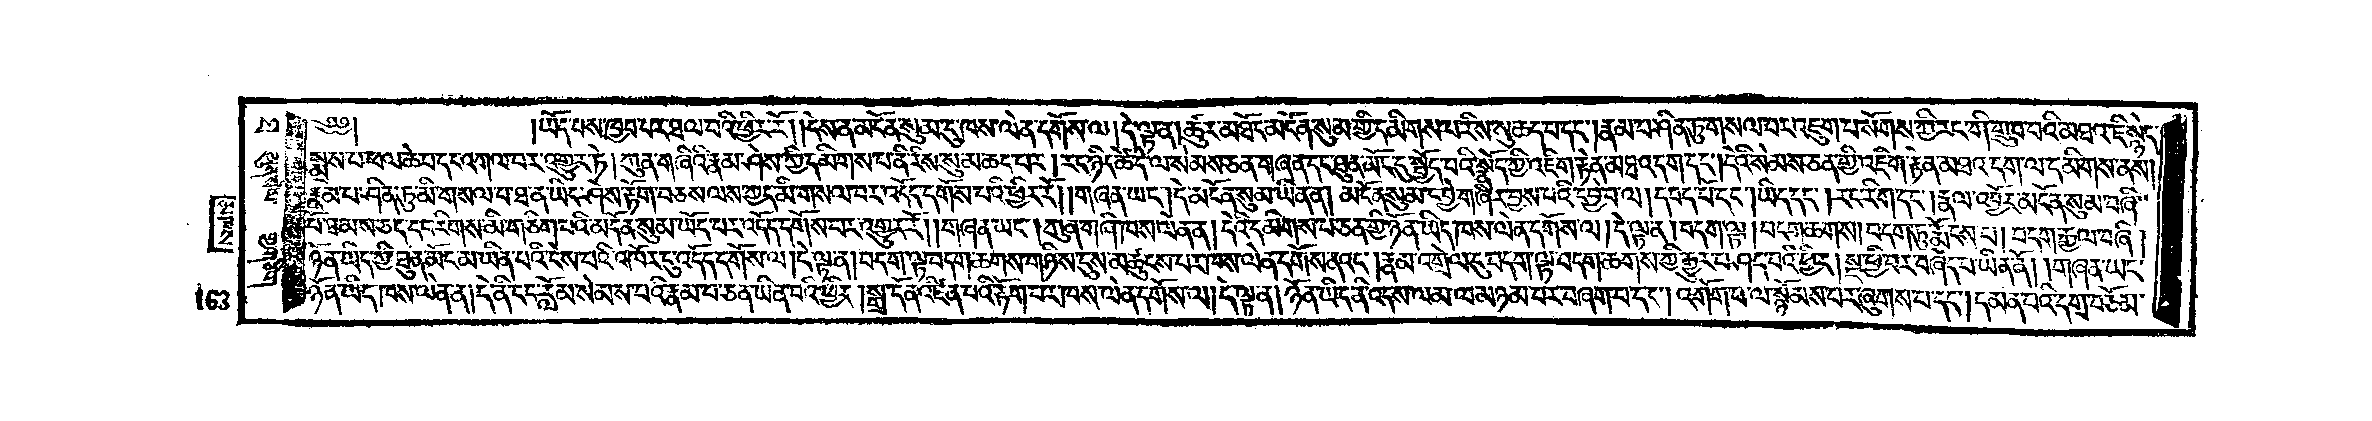༄༅། །ཡོད་པས་ཁྱབ་པར་ཐལ་བའི་ཕྱིར་རོ། །དེས་ན་མངོན་སུམ་དུ་ཁས་ལེན་དགོས་ལ། དེ་ལྟ་ན། ཚུར་མཐོང་མངོན་སུམ་གྱི་དམིགས་པ་རིས་སུ་ཆད་པ་དང་། རྣམ་པ་ཤིན་ཏུ་གསལ་བར་འཇུག་པ་སོགས་ཀྱི་རང་གི་གྲུབ་པའི་མཐའ་ཇི་སྙེད་
སྨྲས་པ་ཕལ་ཆེ་པ་དང་འགལ་བར་འགྱུར་ཏེ། ཀུན་གཞིའི་རྣམ་ཤེས་ཀྱི་དམིགས་པ་ནི་རིས་སུ་མ་ཆད་པར། རང་ཉིད་ཚེ་དེ་ལ་སེམས་ཅན་གཞན་དང་ཐུན་མོང་དུ་སྤྱོད་པའི་སྣོད་ཀྱི་འཇིག་རྟེན་མཐའ་དག་དང་། དེའི་སེམས་ཅན་གྱི་འཇིག་རྟེན་མཐའ་དག་ལ་དམིགས་ནས།
རྣམ་པ་ཤིན་ཏུ་མི་གསལ་པ་ཐ་ན་ཡིད་ཤེས་རྟོག་བཅས་ལས་ཀྱང་མི་གསལ་བར་འདོད་དགོས་པའི་ཕྱིར་རོ། །གཞན་ཡང་། དེ་མངོན་སུམ་ཡིན་ན། མངོན་སུམ་དབྱེ་གཞིར་བྱས་པའི་དབྱེ་བ་ལ། དབང་པོ་དང་། ཡིད་དང་། རང་རིག་དང་། རྣལ་འབྱོར་མངོན་སུམ་བཞི་
པོ་ཐམས་ཅད་དང་རིགས་མི་གཅིག་པའི་མངོན་སུམ་ཡོད་པར་འདོད་དགོས་པར་འགྱུར་རོ། །གཞན་ཡང་། ཀུན་གཞི་ཁས་ལེན་ན། དེའི་དམིགས་པ་ཅན་གྱི་ཉོན་ཡིད་ཁས་ལེན་དགོས་ལ། དེ་ལྟ་ན། བདག་ལྟ། བདག་ཆགས། བདག་ཏུ་རྨོངས་པ། བདག་རྒྱལ་བཞི།
ཉོན་ཡིད་ཀྱི་ཐུན་མོང་མ་ཡིན་པའི་ངེས་པའི་འཁོར་དུ་འདོད་དགོས་ལ། དེ་ལྟ་ན། བདག་ལྟ་བདག་ཆགས་གཉིས་དུས་མཚུངས་པར་ཁས་ལེན་དགོས་ནའང་། རྣམ་འགྲེལ་དུ་བདག་ལྟ་བདག་ཆགས་ཀྱི་རྒྱུར་བཤད་པའི་ཕྱིར། སྔ་ཕྱི་བར་བཞེད་པ་ཡིན་ནོ། །གཞན་ཡང་
ཉོན་ཡིད་ཁས་ལེན་ན། དེ་ནི་དང་རློམ་སེམས་པའི་རྣམ་པ་ཅན་ཡིན་པའི་ཕྱིར། སྒྲ་དོན་འཛིན་པའི་རྟོག་པར་ཁས་ལེན་དགོས་ལ། དེ་ལྟ་ན། ཉོན་ཡིད་ནི་འདས་ལམ་ལ་མཉམ་པར་བཞག་པ་དང་། འགོག་པ་ལ་སྙོམས་པར་ཞུགས་པ་དང་། དམན་པའི་དགྲ་བཅོམ་